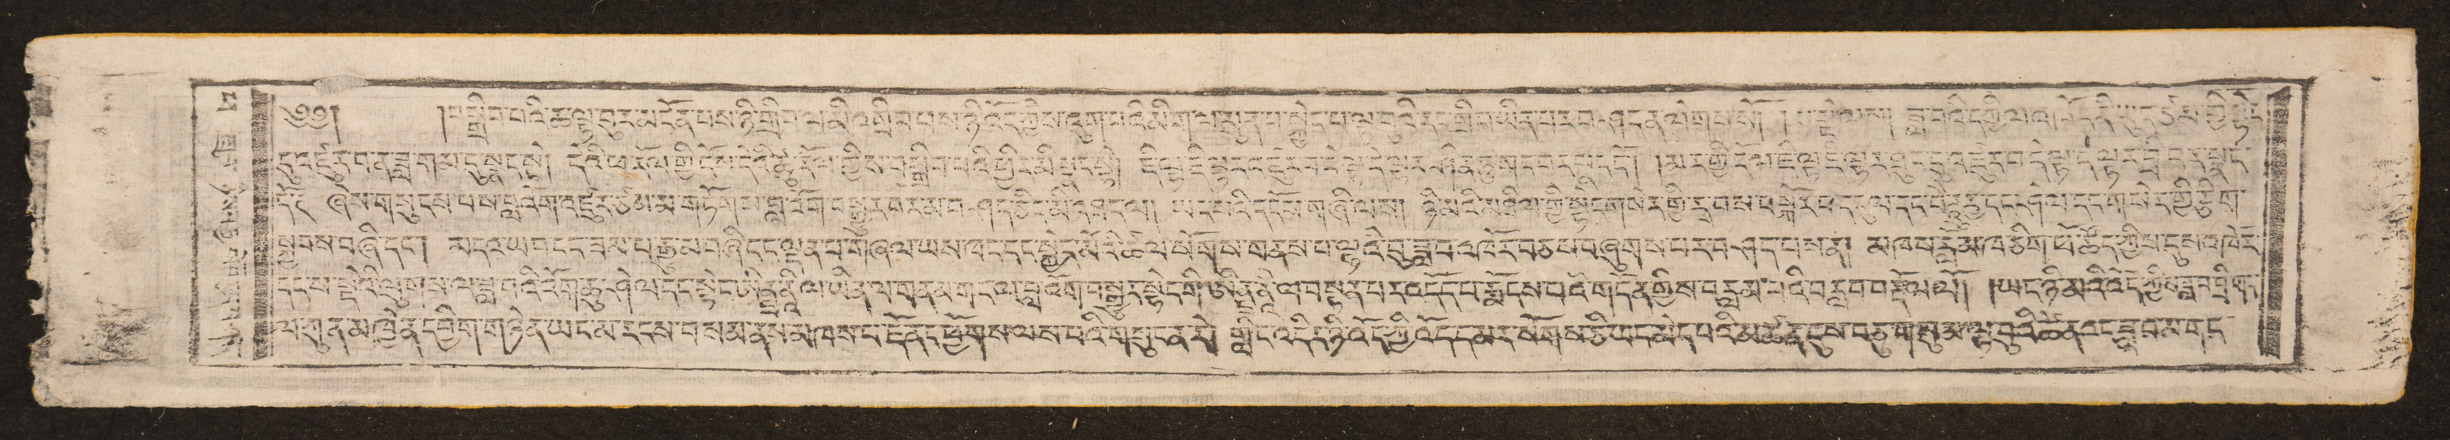༄༅། །བསྒྲིབ་པའི་ཆ་ལྟ་བུར་མངོན་པས་ཉི་གྲིབ་ལ་མི་འགྲིབ་པས་ཉི་འོད་ཀྱིས་འུག་པའི་མིག་ལ་མུན་པ་སྐྱེད་པ་ལྟ་བུའི་རང་གྲི་པ་ཡིན་པར་བཤད་ན་ལེགས་སོ། །ས་སྡེ་ལས། ཟླ་བའི་དཀྱིལ་འཁོར་ནི་ཡུད་ཙམ་གྱི་སྟེང་
དུ་འཛུར་བ་ན་ཟླ་གམ་དུ་སྣང་སྟེ། དེའི་ཕ་རོལ་གྱི་ངོས་དེའི་ཚུ་རོལ་གྱིས་བསྒྲིབ་པའི་ཕྱིར་མི་སྣང་སྟེ། ཇི་ལྟ་ཇི་ལྟར་འཛུར་བ་དེ་ལྟ་དེ་ལྟར་ཤིན་ཏུ་གང་བར་སྣང་ངོ། །མར་གྱི་དོལ་ཇི་ལྟ་ཇི་ལྟར་ཐུང་དུ་འཛུར་བ་དེ་ལྟ་ད་ལྟར་བྲི་བར་སྣང་
ངོ༑ ཞེས་གསུངས་པས་བླ་འོག་འཛུར་ཙམ་མ་གཏོགས་བླ་འོག་བསྒྱུར་བར་མ་བཤད་ཅིང་མི་འཐད་ལ། ཡང་སའི་དངོས་གཞི་ལས། ཉི་མའི་མཐིལ་གྱི་སྟེང་གསེར་གྱི་རྭ་བས་བསྐོར་བ་དངུལ་དང་བཻཌཱུརྱ་དང་ཤེལ་དང་གསེར་གྱི་རྩིག་
སྐྱབས་བཞི་དང་། མངའ་ཡབ་དང་ཟམ་པ་རྒྱུ་མ་བཞི་དང་ལྡན་པ་གཞལ་ཡས་ཁང་དང་སྐྱེད་མོའི་ཚལ་སོགས་གནས་པ་ལྷའི་བུ་ཟླ་བ་འཁོར་བཅས་བཞུགས་པར་བཤད་པས་ན། མཁས་རློམ་ཁ་ཅིག་ཕོ་ཚོད་ཀྱིས་དུས་འཁོར་
དང་ས་སྡེའི་ལུགས་ལ་ཟླ་བའི་འོག་ཆུ་ཤེལ་དང་སྟེང་ཨིནྡྲ་ནཱི་ལ་ཡིན་ལ་གནམ་གང་ལ་བླ་འོག་བསྒྱུར་སྟེང་གི་ཨིནྡྲ་ནཱི་ལ་བསྟན་པར་འདོད་པ་རྨོངས་པའི་གདོན་གྱིས་བརླམ་པའི་བརླབ་བརྡོལ་ལོ། །ཡང་ཉི་མའི་འོད་ཀྱིས་ཟླ་བ་བྲི་གང་
ལ་ཀུན་མཁྱེན་དབྱིག་གཉེན་ཡང་མ་རངས་བསམ་ནས་མཁས་པ་ཇོ་ནང་ཕྱོགས་ལས་པའི་གསུང་ན་རེ། གླིང་འདིར་ཉི་འོད་ཀྱི་འོད་དམར་སོགས་ཅི་ཡང་མེད་པའི་མཚན་དུས་བཅུ་གསུམ་ལྟ་བུའི་ཚེ་ནའང་ཟླ་བ་མ་གང་